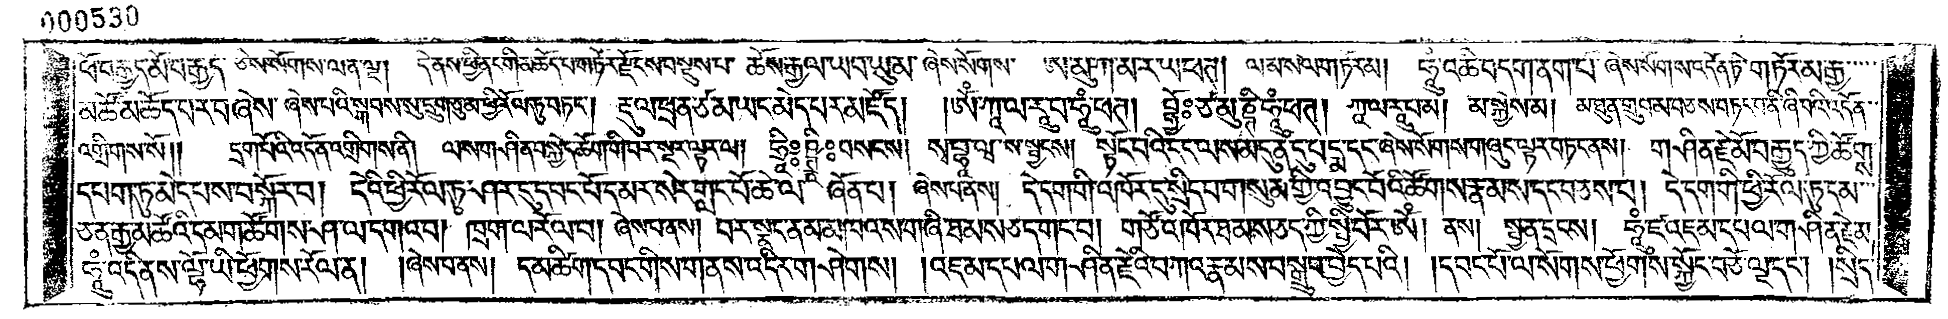ཕོ་བརྒྱད་མོ་བརྒྱད་ཅེས་སོགས་ལན་ལྔ། དེ་ནས་ཕྱི་ནང་གི་མཆོད་པ་གཏོར་རྫོངས་བསྡུས་པ་ཆོས་རྒྱལ་ཡབ་ཡུམ་ཞེས་སོགས་ཨ་མུ་ཀ་མ་ར་ཡ་ཕཊ། ལམ་སེལ་གཏོར་མ།  ཧཱུཾ་འཆི་བདག་ནག་པོ་ཞེས་སོགས་འདོན་ཏེ་གཏོར་མ་རྒྱ་
མཚོ་མཆོད་པར་བཞེས་ཞེས་པའི་སྐབས་སུ་དྲུག་ཅུ་མ་ཕྱི་རོལ་ཏུ་བཏང་།  རྡུལ་ཕྲན་ཙམ་ཡང་མེད་པར་མཛོད། །ཨོཾ་ཀཱ་ལ་རཱུ་པ་ཧཱུཾ་ཕཊ། བྷྱོཿ ཙ་མུ་ཎྚི་ཧཱུཾ་ཕཊ། ཀཱ་ལ་རཱུ་པ་མ། མ་སྐྱེས་མ། མཐུན་གྲུབ་མ་བཅས་བཏང་བ་ནི་ཞི་བའི་འདོན་
འགྲིགས་སོ།། དྲག་པོའི་འདོན་འགྲིགས་ནི། ལས་གཤིན་བསྐྱེད་ཆོག་གི་བར་སྔར་ལྟར་ལ། ཧྲཱིཿ ཥྚྲཱིཿ བསངས། སྭ་བྷཱ་ཝ་ས་སྦྱངས། སྟོང་པའི་ངང་ལས་མདུན་དུ་པདམ་དང་ཞེས་སོགས་གཞུང་ལྟར་བཏང་ནས།  གཤིན་རྗེ་མོ་བརྒྱུད་ཀྱི་ཚོགས་
དཔག་ཏུ་མེད་པས་བསྐོར་བ། དེའི་ཕྱི་རོལ་ཏུ་ཤར་དུ་དབང་པོ་དམར་སེར་གླང་པོ་ཆེ་ལ་ཞོན་པ། ཞེས་པ་ནས།  དེ་དག་གི་འཁོར་དུ་སྲིད་པ་གསུམ་གྱི་འབྱུང་པོའི་ཚོགས་རྣམས་དང་བཅས་པ། དེ་དག་གི་ཕྱི་རོལ་ཏུ་དམ་
ཅན་རྒྱ་མཚོའི་དམག་ཚོགས་ཤ་ལ་དགའ་བ། ཁྲག་ལ་རོལ་བ། ཞེས་པ་ནས།  བར་སྣང་ནམ་མཁའ་ས་གཞི་ཐམས་ཅད་གང་བ། གཙོ་འཁོར་ཐམས་ཅད་ཀྱི་སྤྱི་བོར་ཨོཾ། ནས།  སྤྱན་དྲངས། ཧཱུཾ་ཛ་འཇམ་དཔལ་གཤིན་རྗེ་མ་
ཧཱུཾ་འདི་ནས་ལྷོ་ཡི་ཕྱོགས་རོལ་ན། ། ཞེས་པ་ནས།  དམ་ཚིག་དབང་གིས་གནས་འདིར་གཤེགས། །འཇམ་དཔལ་གཤིན་རྗེའི་བཀའ་རྣམས་བསྒྲུབ་བྱེད་པའི། །དབང་པོ་ལ་སོགས་ཕྱོགས་སྐྱོང་བཅོ་ལྔ་དང་། །སྲིད་